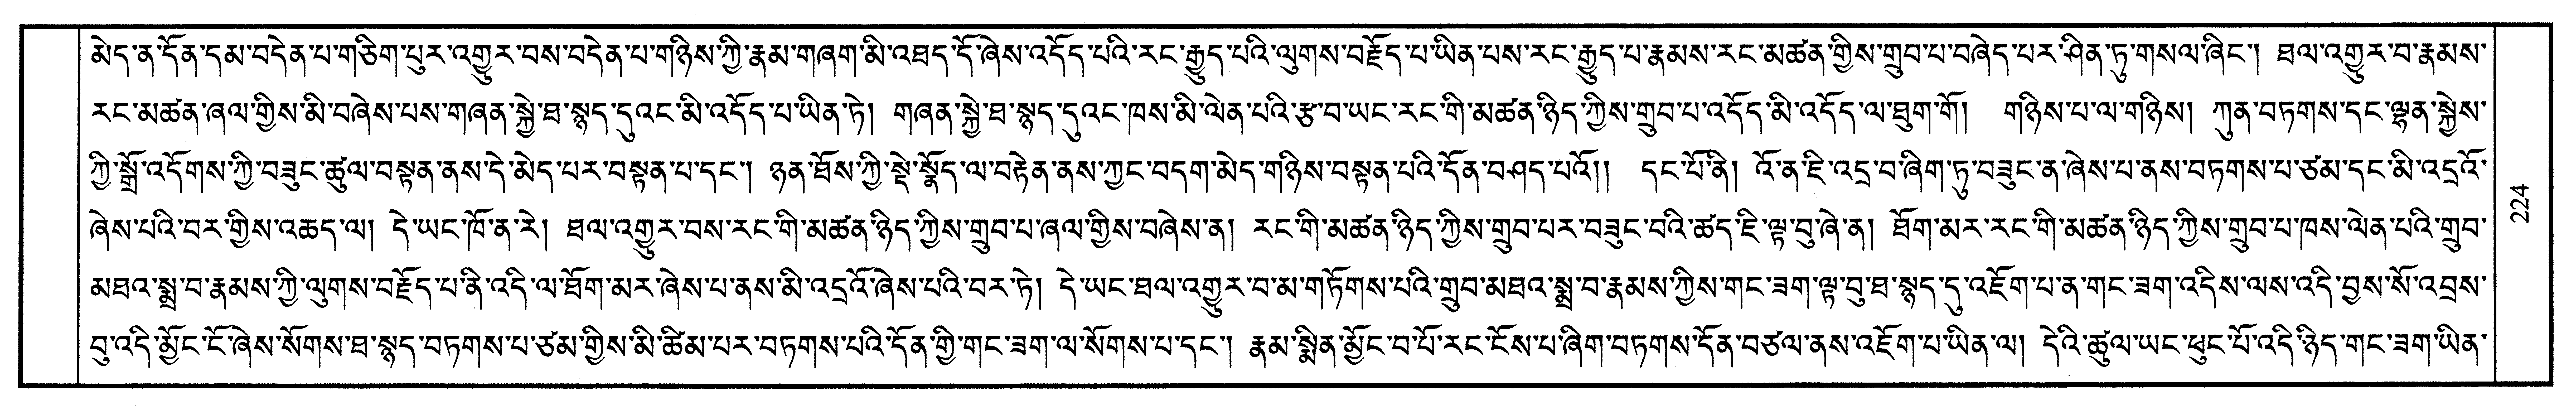མེད་ན་དོན་དམ་བདེན་པ་གཅིག་པུར་འགྱུར་བས་བདེན་པ་གཉིས་ཀྱི་རྣམ་གཞག་མི་འཐད་དོ་ཞེས་འདོད་པའི་རང་རྒྱུད་པའི་ལུགས་བརྗོད་པ་ཡིན་པས་རང་རྒྱུད་པ་རྣམས་རང་མཚན་གྱིས་གྲུབ་པ་བཞེད་པར་ཤིན་ཏུ་གསལ་ཞིང་། ཐལ་འགྱུར་བ་རྣམས་
རང་མཚན་ཞལ་གྱིས་མི་བཞེས་པས་གཞན་སྐྱེ་ཐ་སྙད་དུའང་མི་འདོད་པ་ཡིན་ཏེ། གཞན་སྐྱེ་ཐ་སྙད་དུའང་ཁས་མི་ལེན་པའི་རྩ་བ་ཡང་རང་གི་མཚན་ཉིད་ཀྱིས་གྲུབ་པ་འདོད་མི་འདོད་ལ་ཐུག་གོ། གཉིས་པ་ལ་གཉིས། ཀུན་བཏགས་དང་ལྷན་སྐྱེས་
ཀྱི་སྒྲོ་འདོགས་ཀྱི་བཟུང་ཚུལ་བསྟན་ནས་དེ་མེད་པར་བསྟན་པ་དང་། ཉན་ཐོས་ཀྱི་སྡེ་སྣོད་ལ་བརྟེན་ནས་ཀྱང་བདག་མེད་གཉིས་བསྟན་པའི་དོན་བཤད་པའོ།། དང་པོ་ནི། འོ་ན་ཇི་འདྲ་བ་ཞིག་ཏུ་བཟུང་ན་ཞེས་པ་ནས་བཏགས་པ་ཙམ་དང་མི་འདྲའོ་
ཞེས་པའི་བར་གྱིས་འཆད་ལ། དེ་ཡང་ཁོ་ན་རེ། ཐལ་འགྱུར་བས་རང་གི་མཚན་ཉིད་ཀྱིས་གྲུབ་པ་ཞལ་གྱིས་བཞེས་ན། རང་གི་མཚན་ཉིད་ཀྱིས་གྲུབ་པར་བཟུང་བའི་ཚད་ཇི་ལྟ་བུ་ཞེ་ན། ཐོག་མར་རང་གི་མཚན་ཉིད་ཀྱིས་གྲུབ་པ་ཁས་ལེན་པའི་གྲུབ་
མཐའ་སྨྲ་བ་རྣམས་ཀྱི་ལུགས་བརྗོད་པ་ནི་འདི་ལ་ཐོག་མར་ཞེས་པ་ནས་མི་འདྲའོ་ཞེས་པའི་བར་ཏེ། དེ་ཡང་ཐལ་འགྱུར་བ་མ་གཏོགས་པའི་གྲུབ་མཐའ་སྨྲ་བ་རྣམས་ཀྱིས་གང་ཟག་ལྟ་བུ་ཐ་སྙད་དུ་འཇོག་པ་ན་གང་ཟག་འདིས་ལས་འདི་བྱས་སོ་འབྲས་
བུ་འདི་མྱོང་ངོ་ཞེས་སོགས་ཐ་སྙད་བཏགས་པ་ཙམ་གྱིས་མི་ཚིམ་པར་བཏགས་པའི་དོན་གྱི་གང་ཟག་ལ་སོགས་པ་དང་། རྣམ་སྨིན་མྱོང་བ་པོ་རང་ངོས་པ་ཞིག་བཏགས་དོན་བཙལ་ནས་འཇོག་པ་ཡིན་ལ། དེའི་ཚུལ་ཡང་ཕུང་པོ་འདི་ཉིད་གང་ཟག་ཡིན་